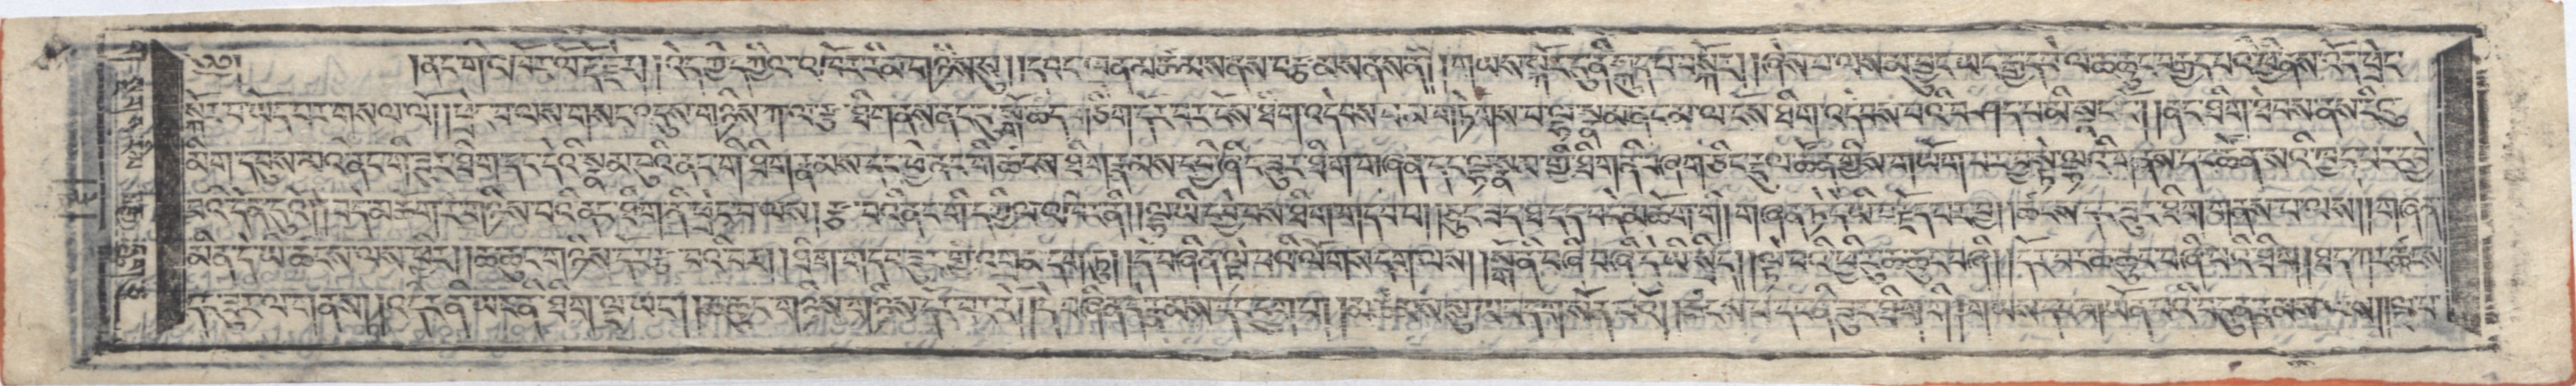༄༅། །ནང་གི་འཁོར་ལོ་རྡོ་རྗེར། །འོད་ཀྱི་དཀྱིལ་འཁོར་རིམ་གཉིས་སུ། །དབང་ལྡན་མཚམས་ནས་བརྩམས་ནས་ནི། །གཡས་སྐོར་དུ་ནི་སྐུད་པ་བསྐོར། །ཞེས་པ་ལས་མ་བྱུང་ཡང་རྒྱ་དཔེ་ལ་ཆ་ཆུང་བརྒྱད་པའི་ཕྱི་ནས་འོད་ཕྲེང་
སྐོར་བ་ཡོད་པར་གསལ་ལོ། །ཕྲེང་བ་ལས་གསང་འདུས་གཉིས་ཀ་ལ་རྩ་ཐིག་ནས་ནང་དུ་སྒོ་ཚད་གཅིག་དོར་བར་ངོས་ཐིག་འདེབས་པ་མ་གཏོགས་པ་ལྷ་སྣམ་ནང་མ་ལ་ངོས་ཐིག་འདེབས་པའི་བཤད་པ་མི་སྣང་ངོ། །ནང་ཐིག་ཐེབས་ནས་རིའུ་
མིག་དབུས་མའི་ནང་གི་ཟུར་ཐིག་དང་དེའི་སྣམ་བུའི་ནང་གི་ཐིག་རྣམས་དང་ཕྱི་ནང་གི་ཚངས་ཐིག་རྣམས་དབྱི་ཞིང་ཟུར་ཐིག་གཞན་དང་ལྷ་སྣམ་གྱི་ཐིག་ནི་བཞག་ཅིང་རྡུལ་ཚོན་གྱིས་གཡོག་པར་བྱ་སྟེ་ལྷའི་གནས་དང་ཚོན་སའི་ཁྱད་པར་དབྱེ་
བའི་དོན་དུའོ། །བདེ་མཆོག་རེ་གཉིས་པའི་ནང་ཐིག་ནི་ཕྲེང་བ་ལས། རྩ་བའི་ནང་གི་དཀྱིལ་འཁོར་ནི། །ལྷ་ཡི་དབྱེ་བས་ཐིག་གདབ་པ། །ཅུང་ཟད་ཐ་དད་བདེ་མཆོག་གི །གཞན་ཏེ་དེ་ཡི་བརྗོད་པར་བྱ། །ཚངས་དང་ཟུར་ཐིག་གནས་པ་ལས། །གཞན་
མིན་དེ་ཡི་ཚངས་ལས་ཕྱིར། །ཆ་ཆུང་གཉིས་དོར་རྩ་བའི་བར། །ཐིག་གདབ་ཟུར་གྱི་འགྲམ་དག་ཏུ། །དེ་བཞིན་ལྟེ་བའི་ལོགས་དག་ལས། །སྒོ་ནི་བཞི་བཞི་དེ་ཡི་སྲིད། །ལྟེ་བའི་ཕྱི་རུ་ཆ་ཆུང་བཞི། །དོར་བར་ཆ་ཆུང་བཞི་པའི་ཐིག །ཐད་ཀར་ཚངས་
དང་ཟུར་ལ་གནས། །འདིར་ནི་ཡང་ནི་ཐིག་ལྔ་ཡང་། །ཆ་ཆུང་གཉིས་གཉིས་དོར་བར་རོ། །དེ་བཞིན་དེ་རྣམས་དང་དྲུག་པ། །མཚམས་སུ་ཡང་དག་སོན་པའོ། །ཚངས་པ་དང་ནི་ཟུར་ཐིག་གི །གཡས་དང་གཡོན་པའི་བདུན་རྣམས་ལས། །ལྔ་པ་